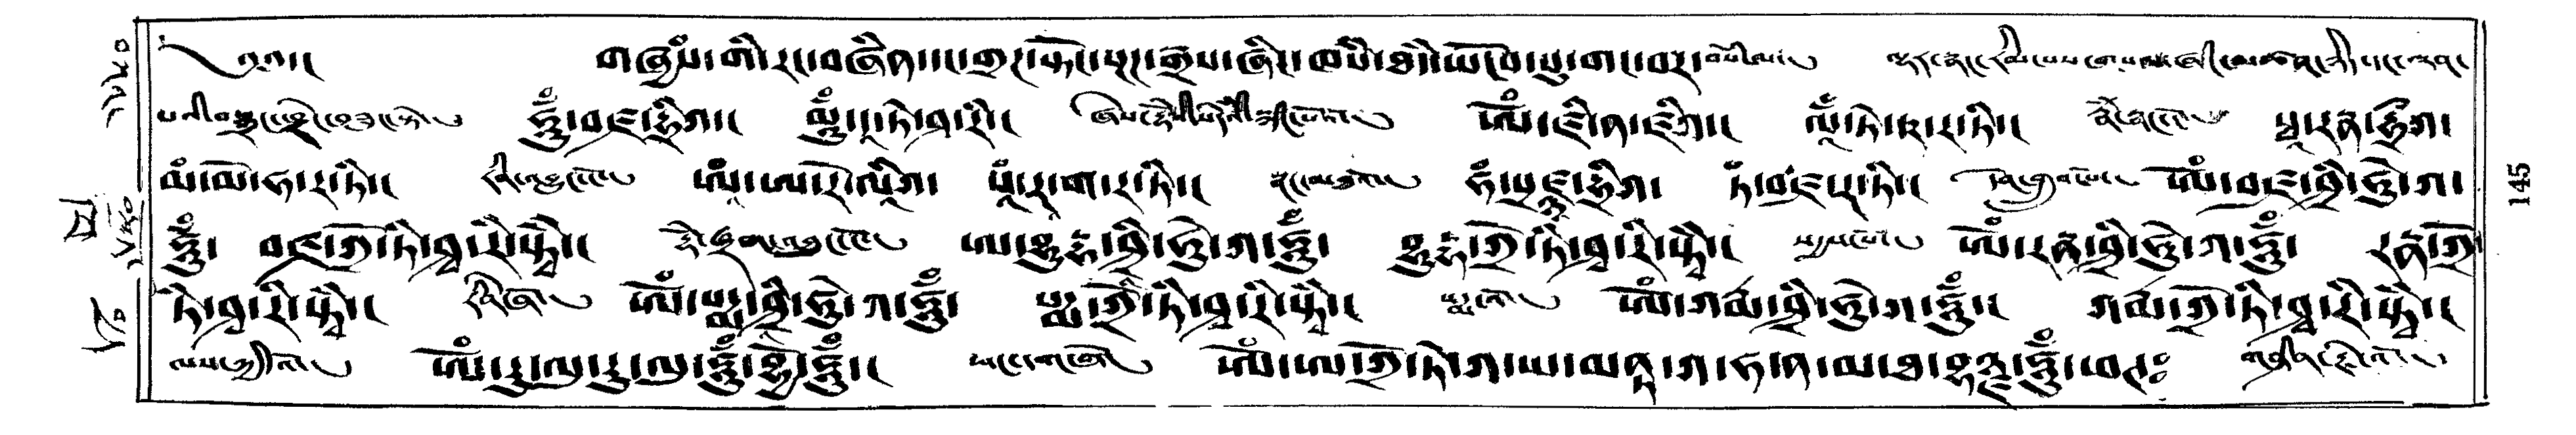གཞལ་ཡས་ཁང་གི་རང་བཞིན་དང་གྲགས་སྟོང་སྔགས་སྒྲས་ཞིང་ཁམས་ཐམས་ཅད་ཡོངས་སུ་གང་བར་བསམལ། ལྷར་སྣང་རིམ་པས་གསལ་ཞིང་མཚན་ཉིད་དང་ལྡན་
པའི་བགྲང་ཕྲེང་བཟུང་སྟེ། ཧཱུྃ་བཛྲ་དྷྲིཀ མཱུྃ་དྭ་ཏེ་ཤ་རི། ཞེས་རྡོ་རྗེ་སེམས་དཔའི་སྙིང་པོའོ། ཨོཾ་ཛི་ན་ཛི་ཀ ལཱྃ་ཏེ་ར་ར་ཏི། རྣམ་སྣང་ངོ་། སྭ་རཏྣ་དྷྲྀཀ
མཾ་མོ་ཧ་ར་ཏི། རིན་འབྱུང་ངོ་། ཨཱཾ་ཨ་རོ་ལཱི་ཀ པཱཾ་རཱ་ག་ར་ཏི། སྣང་མཐའོ། ཧ་པྲ་ཛྙ་དྷྲིཀ། ཏཾ་བཛྲ་ར་ཏི། དོན་གྲུབ་བོ། ཨོཾ་བཛྲ་ཤྲི་ཧེ་རུ་ཀ 
ཧཱུྃ། བཛྲ་ཀྲོ་ཏི་ཤྭ་རི་སྟྭཾ། རྡོ་རྗེ་ཁྲག་འཐུང་ངོ་། ཨོཾ་བྷུདྡྷ་ཤྲཱི་ཧེ་རུ་ཀ་ཧཱུྃ། བྷུདྡྷ་ཀྲོ་ཏི་ཤྭ་རི་སྟྭཾ། སངས་རྒྱསསོ། ཨོཾ་རཏྣ་ཤྲི་ཧེ་རུ་ཀ་ཧཱུྃ། རཏྣ་ཀྲོ་
ཏི་ཤྭ་རི་སྟྭཾ། རིན་ཆེན་ནོ། ཨོཾ་པདྨ་ཤྲཱི་ཧེ་རུ་ཀ་ཧཱུྃ། པདྨ་ཀྲོ་ཏི་ཤྭ་རི་སྟྭཾ། པདྨའོ། ཨོཾ་ཀརྨ་ཤྲི་ཧེ་རུ་ཀ་ཧཱུྃ། ཀརྨ་ཀྲོ་ཏི་ཤྭ་རི་སྟྭཾ། 
ལས་ཀྱི་འོ། ཨོཾ་རུ་ལུ་རུ་ལུ་ཧཱུྃ་བྷྱོ་ཧཱུྃ། ཡང་དག་གོ། ཨོཾ་ཨ་ཀྲོ་ཏེ་ཀ་ཡ་མནྟ་ཀ་ཧ་ན་མ་ཐ་བྷཉྫ་ཧཱུྃ་ཕཊཿ གཤིན་རྗེའོ།